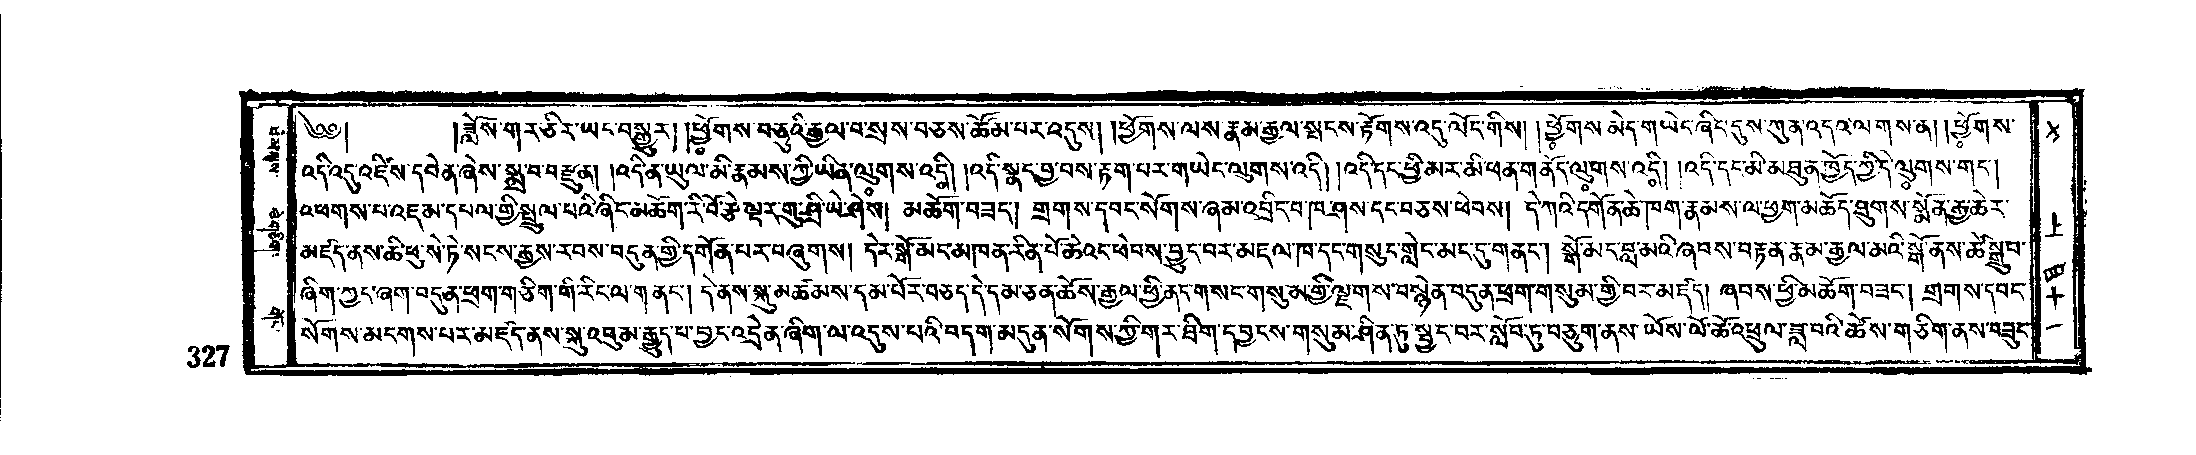༄༅། །ཟློས་གར་ཅིར་ཡང་བསྒྱུར། །ཕྱོགས྾་བཅུའི་རྒྱལ་བ་སྲས་བཅས་ཚོམ་པར་འདུས། །ཕྱོགས་ལས་རྣམ་རྒྱལ་སྤངས་རྟོགས་འདུ་ལོང་གིས། །ཕྱོགས྾་མེད་གཡེང་ཞིང་དུས་ཀུན་འདའ་ལགས་ན། །ཕྱོགས྾་
འདི་འདུ་འཛིས་དབེན་ཞེས་སྨྲ་བ་བརྫུན། །འདི་ན་ཡུལ་མི་རྣམས་ཀྱི་ཡིན་ལུགས་འདི྾། །འདི་སྣང་བྱ་བས་རྟག་པར་གཡེང་ལུགས་འདི། །འདི་དང་ཕྱི་མར་མི་ཕན་གནོད་ལུགས྾་འདི྾། །འདི་དང་མི་མཐུན་ཁྱོད་ཀྱི་དེ་ལུགས྾་གང་།
འཕགས་པ་འཇམ་དཔལ་གྱི་སྤྲུལ་པའི་ཞིང་མཆོག་རི་བོ་རྩེ་ལྔར་གུ་ཤྲི་ཡེ་ཤེས། མཆོག་བཟད། གྲགས་དབང་སོགས་ཞམ་འབྲིང་བ་ཁ་ཤས་དང་བཅས་ཕེབས། དེ་ཀའི་དགོན་ཆེ་ཁག་རྣམས་ལ་ཕྱག་མཆོད་ཐུགས་སྨོན་རྒྱ་ཆེར་
མཛད་ནས་ཆི་ཕུ་སེ་ཏེ་སངས་རྒྱས་རབས་བདུན་གྱི་དགོན་པར་བཞུགས། དེར་སྒོ་མང་མཁན་རིན་པོ་ཆེའང་ཕེབས་བྱུང་བར་མཇལ་ཁ་དང་གསུང་གླེང་མང་དུ་གནང་། སྒོ་མང་བླ་མའི་ཞབས་བརྟན་རྣམ་རྒྱལ་མའི་སྒོ་ནས་ཚེ་སྒྲུབ་
ཞིག་ཀྱང་ཞག་བདུན་ཕྲག་གཅིག་གི་རིང་ལ་གནང་། དེ་ནས་སྐུ་མཚམས་དམ་པོར་བཅད་དེ་དམ་ཅན་ཆོས་རྒྱལ་ཕྱི་ནང་གསང་གསུམ་གྱི་ལྗགས་བསྙེན་བདུན་ཕྲག་གསུམ་གྱི་བར་མཛད། ཞབས་ཕྱི་མཆོག་བཟང་། གྲགས་དབང་
སོགས་མངགས་པར་མཛད་ནས་སྐུ་འབུམ་རྒྱུད་པ་བྱང་འདྲེན་ཞིག་ལ་འདུས་པའི་བདག་མདུན་སོགས་ཀྱི་གར་ཐིག་དབྱངས་གསུམ་ཤིན་ཏུ་སྦྱང་བར་སློབ་ཏུ་བཅུག་ནས་ཡོས་ལོ་ཆོ་འཕྲུལ་ཟླ་བའི་ཚེས་གཅིག་ནས་བཟུང་